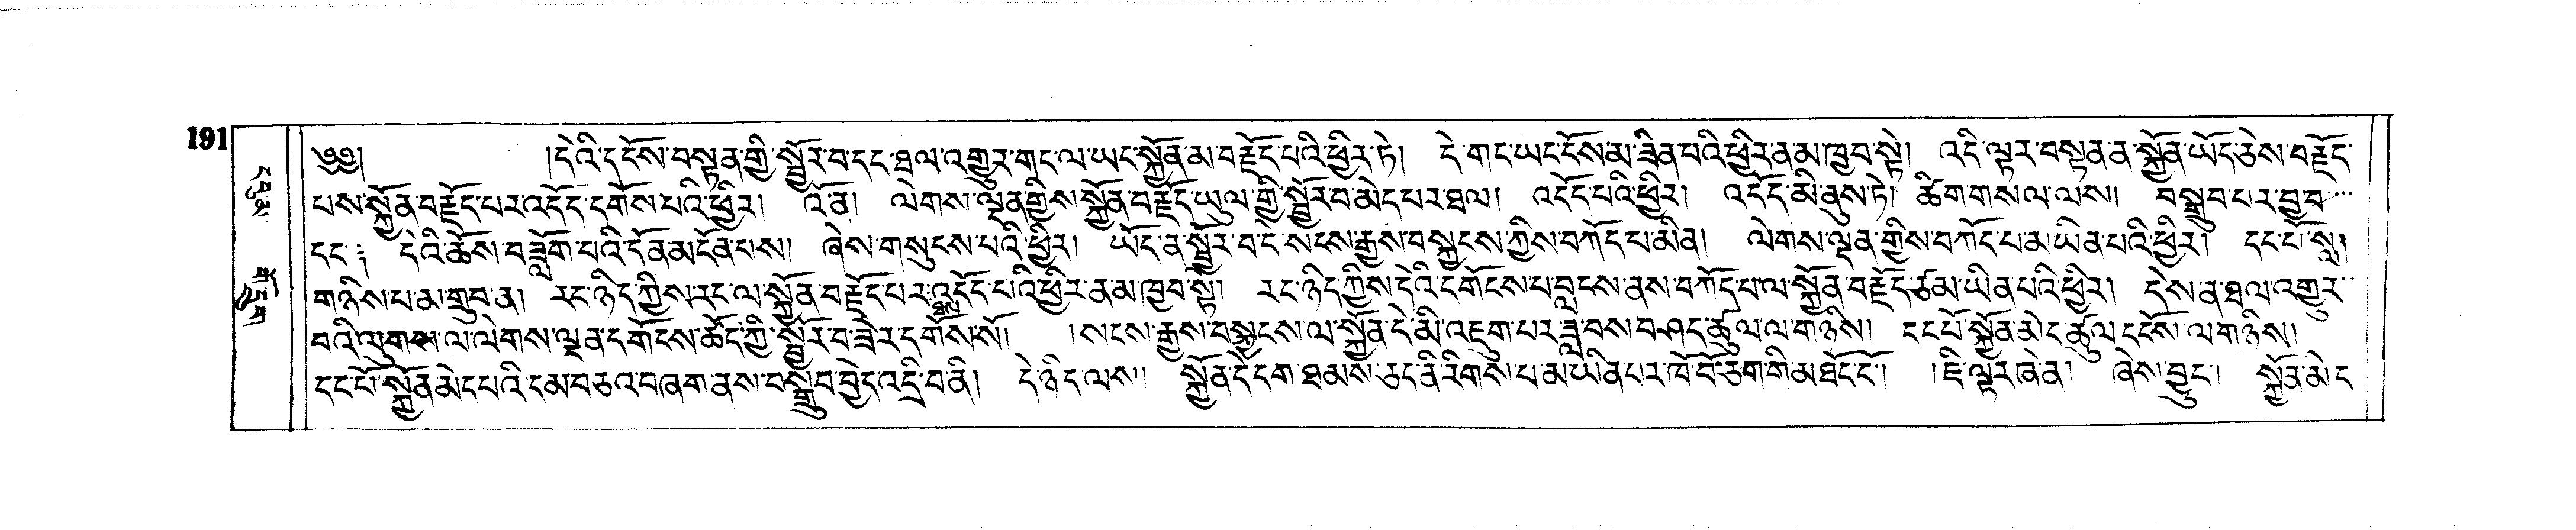༄༅། །དེའི་དངོས་བསྟན་གྱི་སྦྱོར་བ་དང་ཐལ་འགྱུར་གང་ལ་ཡང་སྐྱོན་མ་བརྗོད་པའི་ཕྱིར་ཏེ། དེ་གང་ཡང་ངོས་མ་ཟིན་པའི་ཕྱིར་ན་མ་ཁྱབ་སྟེ། འདི་ལྟར་བསྟན་ན་སྐྱོན་ཡོད་ཅེས་བརྗོད་
པས་སྐྱོན་བརྗོད་པར་འདོད་དགོས་པའི་ཕྱིར། འོ་ན། ལེགས་ལྡན་གྱིས་སྐྱོན་བརྗོད་ཡུལ་གྱི་སྦྱོར་བ་མེད་པར་ཐལ། འདོད་པའི་ཕྱིར། འདོད་མི་ནུས་ཏེ། ཚིག་གསལ་ལས། བསྒྲུབ་པར་བྱ་བ་
དང༑ དེའི་ཆོས་བཟློག་པའི་དོན་མངོན་པས། ཞེས་གསུངས་པའི་ཕྱིར། ཡོང་ན་སྦྱོར་བ་དེ་སངས་རྒྱས་བསྐྱངས་ཀྱིས་བཀོད་པ་མིན། ལེགས་ལྡན་གྱིས་བཀོད་པ་མ་ཡིན་པའི་ཕྱིར། དང་པོ་སླ།
གཉིས་པ་མ་གྲུབ་ན། རང་ཉིད་ཀྱིས་རང་ལ་སྐྱོན་བརྗོད་པར་ཐལ་འདོད་པའི་ཕྱིར་ན་མ་ཁྱབ་སྟེ། རང་ཉིད་ཀྱིས་དེའི་དགོངས་པ་བླངས་ནས་བཀོད་པ་ལ་སྐྱོན་བརྗོད་ཙམ་ཡིན་པའི་ཕྱིར། དེས་ན་ཐལ་འགྱུར་
བའི་ལུགས་ལ་ལེགས་ལྡན་དགོངས་ཚོད་ཀྱི་སྦྱོར་བ་ཟེར་དགོས་སོ། །སངས་རྒྱས་བསྐྱངས་ལ་སྐྱོན་དེ་མི་འཇུག་པར་ཟླ་བས་བཤད་ཚུལ་ལ་གཉིས། དང་པོ་སྐྱོན་མེད་ཚུལ་དངོས་ལ་གཉིས།
དང་པོ་སྐྱོན་མེད་པའི་དམ་བཅའ་བཞག་ནས་བསྒྲུབ་བྱེད་འདྲི་བ་ནི། དེ་ཉིད་ལས། སྐྱོན་དེ་དག་ཐམས་ཅད་ནི་རིགས་པ་མ་ཡིན་པར་ཁོ་བོ་ཅག་གི་མཐོང་ངོ། །ཇི་ལྟར་ཞེ་ན། ཞེས་བྱུང་སྐྱོན་མེད་